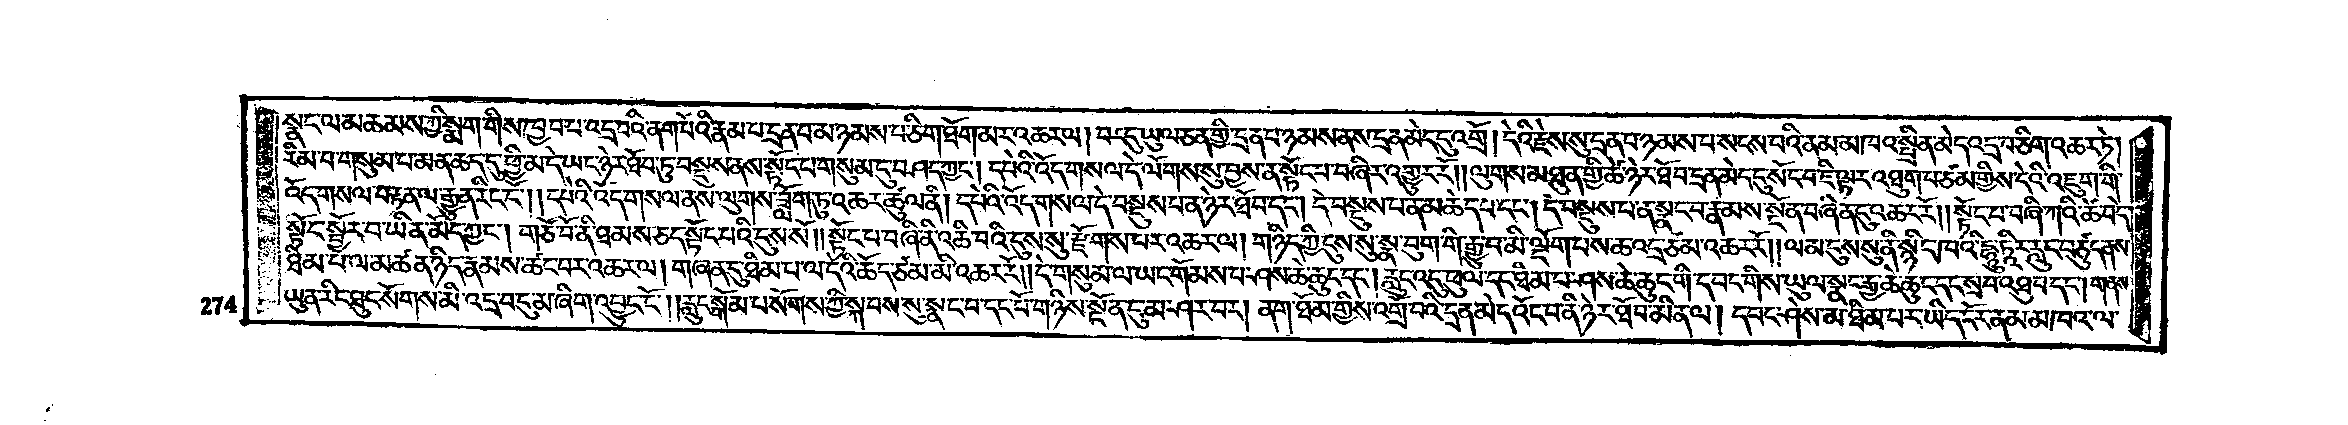སྣང་ལ་མཚམས་ཀྱི་སྨག་གིས་ཁྱབ་པ་འདྲ་བའི་ནག་པོའི་རྣམ་པ་དྲན་པ་མ་ཉམས་པ་ཅིག་ཐོག་མར་འཆར་ལ། བར་དུ་ཡུལ་ཅན་གྱི་དྲན་པ་ཉམས་ནས་དྲན་མེད་དུ་འགྲོ། དེའི་རྗེས་སུ་དྲན་པ་ཉམས་པ་སངས་པའི་ནམ་མཁའ་སྤྲིན་མེད་འདྲ་བ་ཅིག་འཆར་ཏེ།
རིམ་པ་གསུམ་པ་མན་ཆད་དུ་ཕྱི་མ་དེ་ཡང་ཉེར་ཐོབ་ཏུ་བསྡུས་ནས་སྟོང་པ་གསུམ་དུ་བཤད་ཀྱང་། དཔེའི་འོད་གསལ་དེ་ལོགས་སུ་བྱས་ན་སྟོང་པ་བཞིར་འགྱུར་རོ། །ལུགས་མཐུན་གྱི་ཚེ་ཉེར་ཐོབ་དྲན་མེད་དུ་སོང་བ་ཇི་ལྟར་འཐུག་པ་ཙམ་གྱིས་དེའི་འཇུག་གི་
འོད་གསལ་བརྟན་ལ་རྒྱུན་རིང་ངོ། །དཔེའི་འོད་གསལ་ནས་ལུགས་ཟློག་ཏུ་འཆར་ཚུལ་ནི། དཔེའི་འོད་གསལ་དེ་བསྡུས་པ་ན་ཉེར་ཐོབ་དང་། དེ་བསྡུས་པ་ན་མཆེད་པ་དང་། དེ་བསྡུས་པ་ན་སྣང་བ་རྣམས་སྔོན་བཞིན་དུ་འཆར་རོ། །སྟོང་པ་བཞི་ཀའི་ཚེ་བདེ་
སྟོང་སྦྱོར་བ་ཡིན་མོད་ཀྱང་། གཙོ་བོ་ནི་ཐམས་ཅད་སྟོང་པའི་དུས་སོ། །སྟོང་པ་བཞི་ནི་འཆི་བའི་དུས་སུ་རྫོགས་པར་འཆར་ལ། གཉིད་ཀྱི་དུས་སུ་སྣ་བུག་གི་རྒྱུ་བ་མི་ལྡོག་པས་ཆ་འདྲ་ཙམ་འཆར་རོ། །ལམ་དུས་སུ་ནི་སྙིང་ཁའི་དྷཱུ་ཏཱིར་རླུང་བཙུད་ནས་
ཐིམ་པ་ལ་མཚན་ཉིད་རྣམས་ཚང་བར་འཆར་ལ། གཞན་དུ་ཐིམ་པ་ལ་དེའི་ཆོད་ཙམ་མི་འཆར་རོ། །དེ་གསུམ་ལ་ཡང་གོམས་པ་ཤས་ཆེ་ཆུང་དང་། རླུང་འདུ་ཕུལ་དང་ཐིམ་པ་ཤས་ཆེ་ཆུང་གི་དབང་གིས་ཡུལ་སྣང་རྒྱ་ཆེ་ཆུང་དང་སྲབ་འཐུབ་དང་། གནས་
ཡུན་རིང་ཐུང་སོགས་མི་འདྲ་བ་དུ་མ་ཞིག་འབྱུང་ངོ། །རླུང་སྒོམ་པ་སོགས་ཀྱི་སྐབས་སུ་སྣང་བ་དང་པོ་གཉིས་སྔོན་དུ་མ་ཤར་བར། ནག་ཐོམ་གྱིས་འགྲོ་བའི་དྲན་མེད་འོང་བ་ནི་ཉེར་ཐོབ་མིན་ལ། དབང་ཤེས་མ་ཐིམ་པར་ཡིད་ངོར་ནམ་མཁའ་ལ་